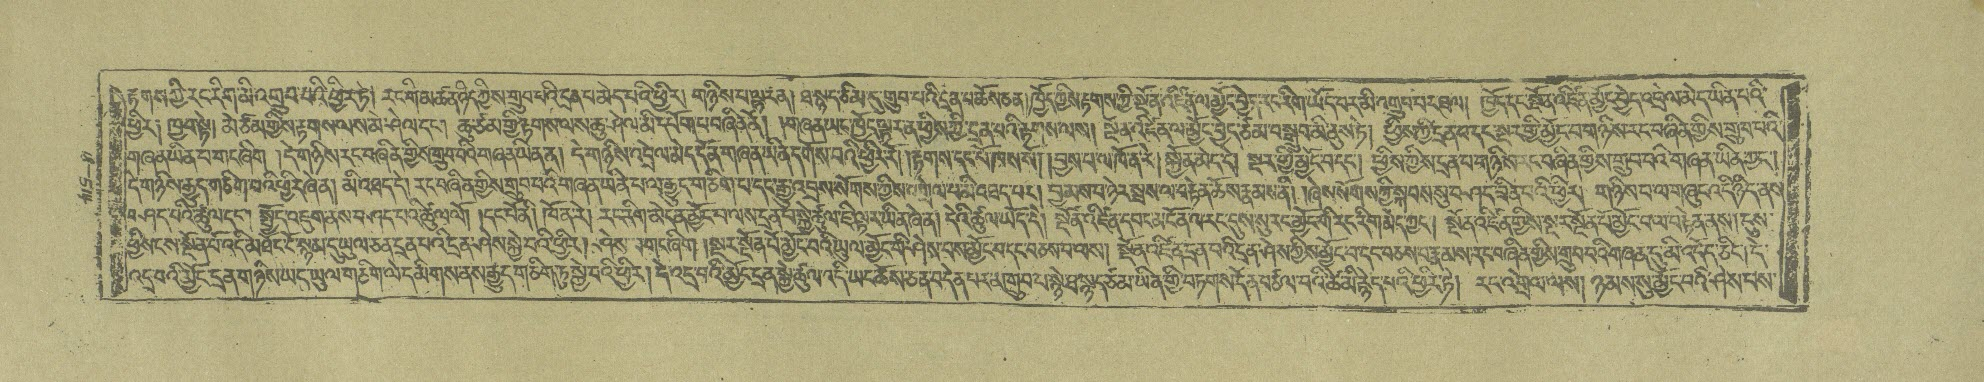རྟགས་ཀྱི་རང་རིག་མི་འགྲུབ་པའི་ཕྱིར་ཏེ། རང་གི་མཚན་ཉིད་ཀྱིས་གྲུབ་པའི་དྲན་པ་མེད་པའི་ཕྱིར། གཉིས་པ་ལྟར་ན། ཐ་སྙད་ཙམ་དུ་གྲུབ་པའི་དྲན་པ་ཆོས་ཅན། ཁྱོད་ཀྱིས་རྟགས་ཀྱི་སྔོན་འཛིན་ལ་མྱོང་བྱེད་རང་རིག་ཡོད་པར་མི་འགྲུབ་པར་ཐལ། ཁྱོད་དང་སྔོན་འཛིན་མྱོང་བྱེད་འབྲེལ་མེད་ཡིན་པའི་
ཕྱིར། ཁྱབ་སྟེ། མེ་ཙམ་གྱིས་རྟགས་ལས་མེ་ཤེལ་དང་། ཆུ་ཙམ་གྱི་རྟགས་ལས་ཆུ་ཤེལ་མི་དཔོག་པ་བཞིན་ནོ། །གཞན་ཡང་ཁྱོད་ལྟར་ན་ཕྱིས་ཀྱི་དྲན་པའི་རྟགས་ལས། སྔོན་འཛིན་ལ་མྱོང་བྱེད་ཙམ་བསྒྲུབ་མི་ནུས་ཏེ། ཕྱིས་ཀྱི་དྲན་པ་དང་སྔར་གྱི་མྱོང་བ་གཉིས་རང་བཞིན་གྱིས་གྲུབ་པའི་
གཞན་ཡིན་པ་གང་ཞིག །དེ་གཉིས་རང་བཞིན་གྱིས་གྲུབ་པའི་གཞན་ཡིན་ན། དེ་གཉིས་འབྲེལ་མེད་དོན་གཞན་ཡིན་དགོས་པའི་ཕྱིར་རོ། །རྟགས་དང་པོ་ཁས་སོ། །བྱས་པ་ལ་ཁོ་ན་རེ། སྐྱོན་མེད་དེ། སྔར་གྱི་མྱོང་བ་དང་། ཕྱིས་ཀྱིས་དྲན་པ་གཉིས་རང་བཞིན་གྱིས་གྲུབ་པའི་གཞན་ཡིན་ཀྱང་།
དེ་གཉིས་རྒྱུད་གཅིག་པའི་ཕྱིར་ཞེ་ན། མི་འཐད་དེ། རང་བཞིན་གྱིས་གྲུབ་པའི་གཞན་ཡིན་པ་ལ་རྒྱུད་གཅིག་པ་དང་རྒྱུ་འབྲས་སོགས་ཀྱིས་འགྲེལ་བ་མི་འཐད་པར། བྱམས་པ་ཉེར་སྦས་ལ་བརྟེན་ཆོས་རྣམས་ནི། །ཞེས་སོགས་ཀྱི་སྐབས་སུ་བཤད་ཟིན་པའི་ཕྱིར། གཉིས་པ་ལ་གཞུང་འདི་ཉིད་ནས་
བཤད་པའི་ཚུལ་དང་། སྤྱོད་འཇུག་ནས་བཤད་པའི་ཚུལ་ལོ། །དང་པོ་ནི། ཁོ་ན་རེ། རང་རིག་མེད་ན་མྱོང་བ་ལས་དྲན་པ་སྐྱེ་ཚུལ་ཇི་ལྟར་ཡིན་ཞེ་ན། དེའི་ཚུལ་ཡོད་དེ། སྔོན་འཛིན་དབང་མངོན་ལ་རང་དུས་སུ་རང་མྱོང་གི་རང་རིག་མེད་ཀྱང་། སྔོན་འཛིན་གྱིས་སྔར་སྔོན་པོ་མྱོང་བ་ལ་བརྟེན་ནས། དུས་
ཕྱིས་ངས་སྔོན་པོ་འདི་མཐོང་ངོ་སྙམ་དུ་ཡུལ་ཅན་དྲན་པའི་དྲན་ཤེས་སྐྱེ་བའི་ཕྱིར། ཤེས་པ་གང་ཞིག །སྔར་སྔོན་པོ་མྱོང་བའི་ཡུལ་མྱོང་གི་ཤེས་པས་མྱོང་བ་དང་བཅས་པ་ལས། སྔོན་འཛིན་དྲན་པའི་དྲན་ཤེས་ཀྱིས་མྱོང་བ་དང་བཅས་པ་རྣམས་རང་བཞིན་གྱིས་གྲུབ་པའི་གཞན་དུ་མི་འདོད་ཅིང་། དེ་
འདྲ་བའི་མྱོང་དྲན་གཉིས་ཡང་ཡུལ་གཅིག་ལ་དམིགས་ནས་རྒྱུད་གཅིག་ཏུ་སྐྱེ་བའི་ཕྱིར། དེ་འདྲ་བའི་མྱོང་དྲན་སྐྱེ་ཚུལ་འདི་ཡང་ཆོས་ཅན་བདེན་པར་མ་གྲུབ་པ་ཐ་སྙད་ཙམ་ཡིན་གྱི་བཏགས་དོན་བཙལ་བའི་ཚེ་མི་རྙེད་པའི་ཕྱིར་ཏེ། རང་འགྲེལ་ལས། ཉམས་སུ་མྱོང་བའི་ཤེས་པས་